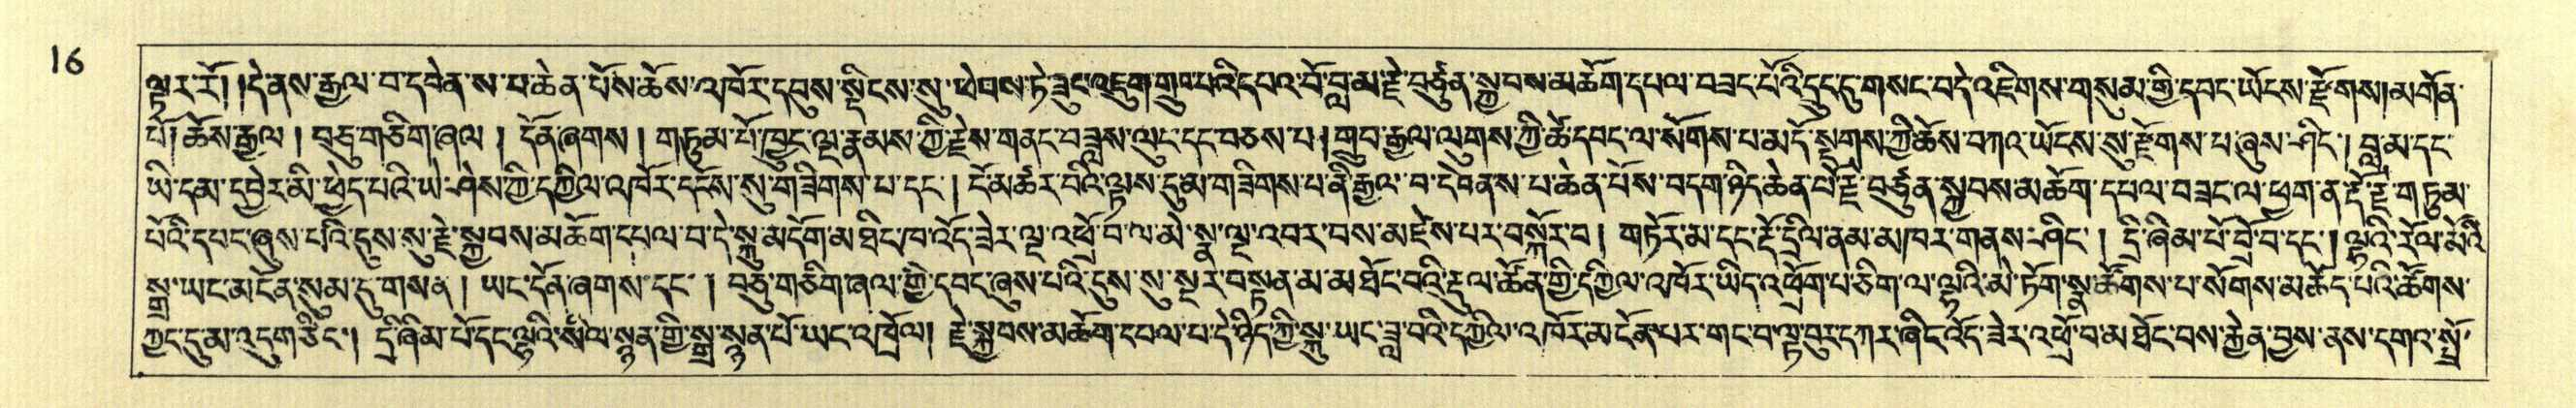ལྟར་རོ། །དེ་ནས་རྒྱལ་བ་དབེན་ས་པ་ཆེན་པོས་ཆོས་འཁོར་དབུས་སྡིངས་སུ་ཕེབས་ཏེ་ཟུང་འཇུག་གྲུབ་པའི་དཔའ་བོ་བླ་མ་རྗེ་བཙུན་སྐྱབས་མཆོག་དཔལ་བཟང་པོའི་དྲུང་དུ་གསང་བདེ་འཇིགས་གསུམ་གྱི་དབང་ཡོངས་རྫོགས། མགོན་
པོ། ཆོས་རྒྱལ། བཅུ་གཅིག་ཞལ། དོན་ཞགས། གཏུམ་པོ་ཁྱུང་ལྔ་རྣམས་ཀྱི་རྗེས་གནང་བཟླས་ལུང་དང་བཅས་པ། གྲུབ་རྒྱལ་ལུགས་ཀྱི་ཚེ་དབང་ལ་སོགས་པ་མདོ་སྔགས་ཀྱི་ཆོས་བཀའ་ཡོངས་སུ་རྫོགས་པ་ཞུས་ཤིང་། བླ་མ་དང་
ཡི་དམ་དབྱེར་མི་ཕྱེད་པའི་ཡེ་ཤེས་ཀྱི་དཀྱིལ་འཁོར་དངོས་སུ་གཟིགས་པ་དང་། ངོ་མཚར་བའི་ལྟས་དུ་མ་གཟིགས་པ་ནི་རྒྱལ་བ་དབེན་ས་པ་ཆེན་པོས་བདག་ཉིད་ཆེན་པོ་རྗེ་བཙུན་སྐྱབས་མཆོག་དཔལ་བཟང་ལ་ཕྱག་ན་རྡོ་རྗེ་གཏུམ་
པོའི་དབང་ཞུས་པའི་དུས་སུ་རྗེ་སྐྱབས་མཆོག་དཔལ་བ་དེ་སྐུ་མདོག་མཐིང་ཁ་འོད་ཟེར་ལྔ་འཕྲོ་བ་ལ་མེ་སྣ་ལྔ་འབར་བས་མཛེས་པར་བསྐོར་བ། གཏོར་མ་དང་རྡོ་དྲིལ་ནམ་མཁར་གནས་ཤིང་། དྲི་ཞིམ་པོ་བྲོ་བ་དང་། ལྷའི་རོལ་མོའི་
སྒྲ་ཡང་མངོན་སུམ་དུ་གསན། ཡང་དོན་ཞགས་དང་། བཅུ་གཅིག་ཞལ་གྱི་དབང་ཞུས་པའི་དུས་སུ་སྔར་བསྟན་མ་མཐོང་བའི་རྡུལ་ཚོན་གྱི་དཀྱིལ་འཁོར་ཡིད་འཕྲོག་པ་ཅིག་ལ་ལྷའི་མེ་ཏོག་སྣ་ཚོགས་པ་སོགས་མཆོད་པའི་ཚོགས་
ཀྱང་དུ་མ་འདུག་ཅིང་། དྲི་ཞིམ་པོ་དང་ལྷའི་སིལ་སྙན་གྱི་སྒྲ་སྙན་པོ་ཡང་འཁྲོལ། རྗེ་སྐྱབས་མཆོག་དཔལ་པ་དེ་ཉིད་ཀྱི་སྐུ་ཡང་ཟླ་བའི་དཀྱིལ་འཁོར་མངོན་པར་གང་བ་ལྟ་བུར་དཀར་ཞིང་འོད་ཟེར་འཕྲོ་བ་མཐོང་བས་རྐྱེན་བྱས་ནས་དགའ་སྤྲོ་